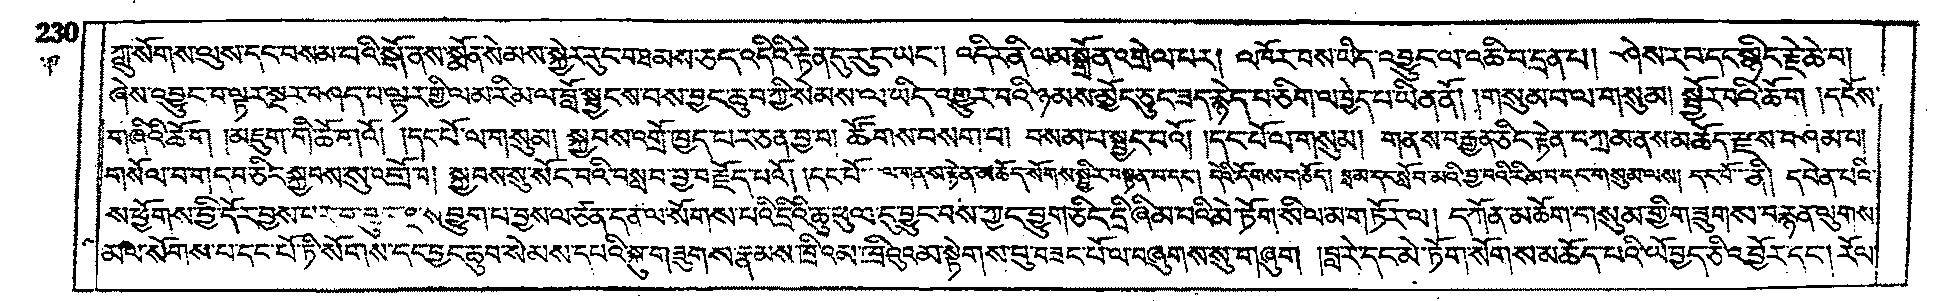ཀླུ་སོགས་ལུས་དང་བསམ་པའི་སྒོ་ནས་སྨོན་སེམས་སྐྱེར་རུང་བ་ཐམས་ཅད་འདིའི་རྟེན་དུ་རུང་ཡང་། འདིར་ནི་ལམ་སྒྲོན་འགྲེལ་པར། འཁོར་བས་ཡིད་འབྱུང་ལ་འཆི་བ་དྲན་པ། ཤེས་རབ་དང་སྙིང་རྗེ་ཆེ་བ།
ཞེས་འབྱུང་བ་ལྟར་སྔར་བཤད་པ་ལྟར་གྱི་ལམ་རིམ་ལ་བློ་སྦྱངས་པས་བྱང་ཆུབ་ཀྱི་སེམས་ལ་ཡིད་འགྱུར་བའི་ཉམས་མྱོང་ཅུང་ཟད་རྙེད་པ་ཅིག་ལ་བྱེད་པ་ཡིན་ནོ། །གསུམ་པ་ལ་གསུམ། སྦྱོར་བའི་ཆོ་ག །དངོས་
གཞིའི་ཆོ་ག །མཇུག་གི་ཆོ་གའོ། །དང་པོ་ལ་གསུམ། སྐྱབས་འགྲོ་ཁྱད་པར་ཅན་བྱ་བ། ཚོགས་བསག་པ། བསམ་པ་སྦྱང་བའོ། །དང་པོ་ལ་གསུམ། གནས་བརྒྱན་ཅིང་རྟེན་བཀྲམ་ནས་མཆོད་རྫས་བཤམ་པ།
གསོལ་བ་གདབ་ཅིང་སྐྱབས་སུ་འགྲོ་བ། སྐྱབས་སུ་སོང་བའི་བསླབ་བྱ་བརྗོད་པའོ། །དང་པོལ་གནས་རྟེན་མཆོད་སོགས་སྤྱིར་བསྟན་པ་དང་། དེའི་དོགས་གཅོད། བླ་མ་དང་སློབ་མའི་བྱ་བའི་རིམ་པ་དང་གསུམ་ལས། དང་པོ་ནི། དབེན་པའི་
ས་ཕྱོགས་བྱི་དོར་བྱས་པར་བ་བྱུང་ལྔས་བྱུག་པ་བྱས་ལ་ཙན་དན་ལ་སོགས་པའི་དྲིའི་ཆུ་ཕུལ་དུ་བྱུང་བས་ཀྱང་བྱུག་ཅིང་དྲི་ཞིམ་པའི་མེ་ཏོག་སིལ་མ་གཏོར་ལ། དཀོན་མཆོག་གསུམ་གྱི་གཟུགས་བརྙན་ལུགས་
མ་ལ་སོགས་པ་དང་པོ་ཏི་སོགས་དང་བྱང་ཆུབ་སེམས་དཔའི་སྐུ་གཟུགས་རྣམས་ཁྲི་འམ་ཁྲུའིའུའམ་སྟེགས་བུ་བཟང་པོ་ལ་བཞུགས་སུ་གཞུག །བླ་རེ་དང་མེ་ཏོག་སོགས་མཆོད་པའི་ཡོ་བྱད་ཅི་འབྱོར་དང་། རོལ་